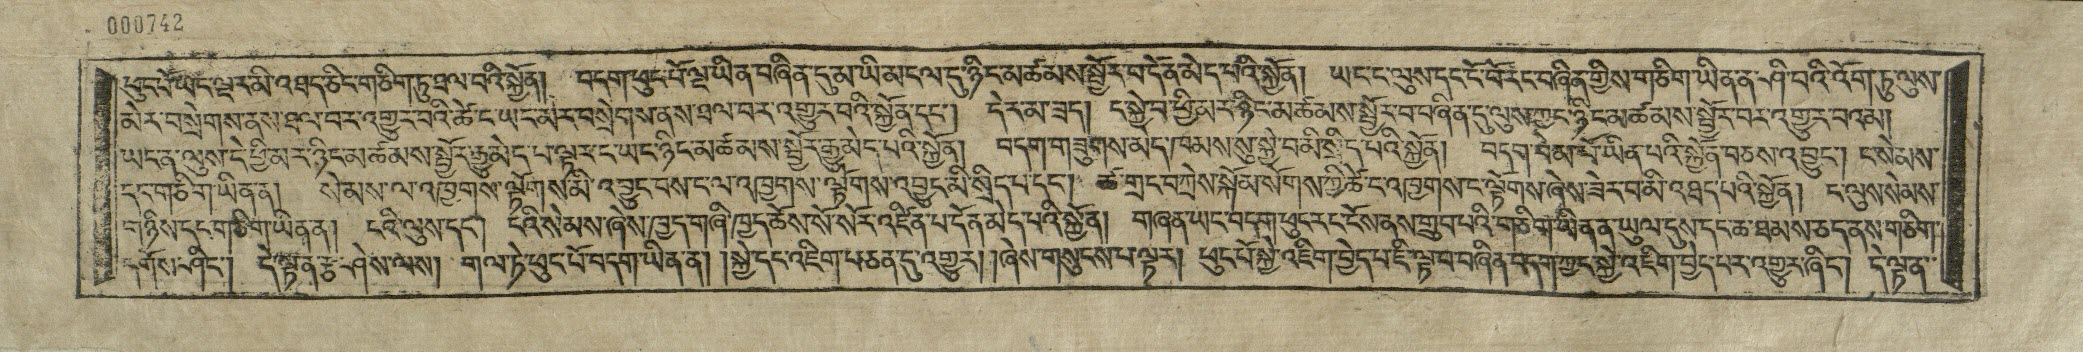ཕུང་པོ་ཡང་ལྔར་མི་འཐད་ཅིང་གཅིག་ཏུ་ཐལ་བའི་སྐྱོན། བདག་ཕུང་པོ་ལྔ་ཡིན་བཞིན་དུ་མ་ཡི་མངལ་དུ་ཉིང་མཚམས་སྦྱོར་བ་དོན་མེད་པའི་སྐྱོན། ཡང་ང་ལུས་དང་ངོ་བོ་རང་བཞིན་གྱིས་གཅིག་ཡིན་ན་ཤི་བའི་འོག་ཏུ་ལུས་
མེར་བསྲེགས་ནས་ཐལ་བར་འགྱུར་བའི་ཚེ་ང་ཡང་མེར་བསྲེགས་ནས་ཐལ་བར་འགྱུར་བའི་སྐྱོན་དང་། དེར་མ་ཟད། ང་སྐྱེ་བ་ཕྱི་མར་ཉིང་མཚམས་སྦྱོར་བ་བཞིན་དུ་ལུས་ཀྱང་ཉིང་མཚམས་སྦྱོར་བར་འགྱུར་བའམ།
ཡང་ན་ལུས་དེ་ཕྱི་མར་ཉིང་མཚམས་སྦྱོར་རྒྱུ་མེད་པ་ལྟར་ང་ཡང་ཉིང་མཚམས་སྦྱོར་རྒྱུ་མེད་པའི་སྐྱོན། བདག་གཟུགས་མེད་ཁམས་སུ་སྐྱེ་བ་མི་སྲིད་པའི་སྐྱོན། བདག་བེམ་པོ་ཡིན་པའི་སྐྱོན་བཅས་འབྱུང་། ང་སེམས་
དང་གཅིག་ཡིན་ན། སེམས་ལ་འཁྱགས་ལྟོགས་མི་འབྱུང་བས་ང་ལ་འཁྱགས་ལྟོགས་འབྱུང་མི་སྲིད་པ་དང་། ཚ་གྲང་བཀྲེས་སྐོམ་སོགས་ཀྱི་ཚེ་ང་འཁྱགས་ང་ལྟོགས་ཞེས་ཟེར་བ་མི་འཐད་པའི་སྐྱོན། ང་ལུས་སེམས་
གཉིས་དང་གཅིག་ཡིན་ན། ངའི་ལུས་དང་། ངའི་སེམས་ཞེས་ཁྱད་གཞི་ཁྱད་ཆོས་སོ་སོར་འཛིན་པ་དོན་མེད་པའི་སྐྱོན། གཞན་ཡང་བདག་ཕུང་རང་ངོས་ནས་གྲུབ་པའི་གཅིག་ཡིན་ན་ཡུལ་དུས་དང་ཆ་ཐམས་ཅད་ནས་གཅིག་
དགོས་ཤིང་། དེ་ལྟ་ན་རྩ་ཤེས་ལས། གལ་ཏེ་ཕུང་པོ་བདག་ཡིན་ན། །སྐྱེ་དང་འཇིག་པ་ཅན་དུ་འགྱུར། །ཞེས་གསུངས་པ་ལྟར། ཕུང་པོ་སྐྱེ་འཇིག་བྱེད་པ་ཇི་ལྟ་བ་བཞིན་བདག་ཀྱང་སྐྱེ་འཇིག་བྱེད་པར་འགྱུར་ཞིང་། དེ་ལྟ་ན་